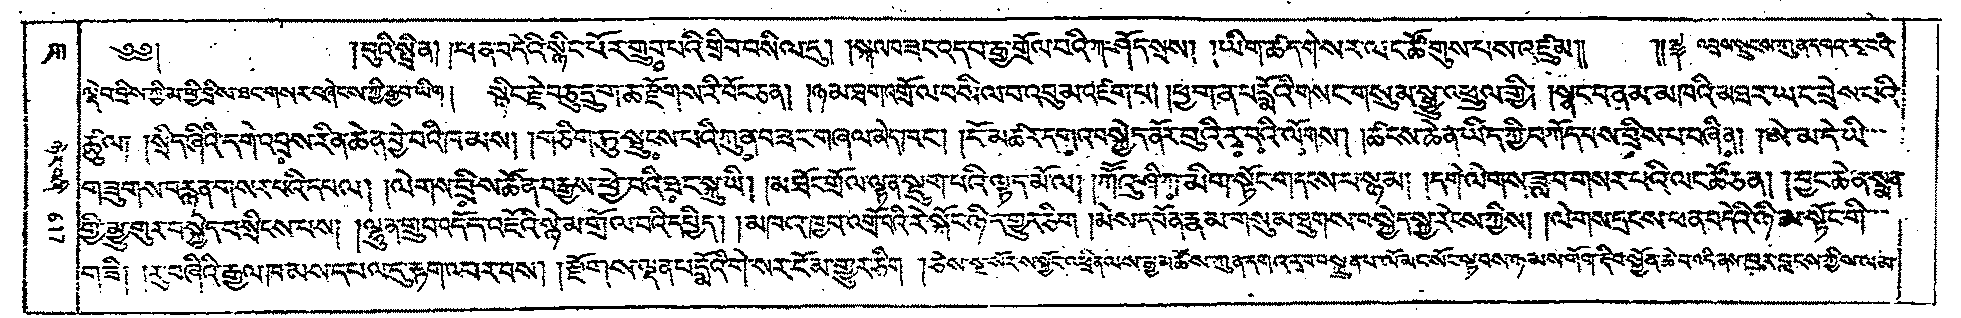༄༅། །བུའི་སྤྲིན། །ཕན་བདེའི་སྙིང་པོར་གྲུབ྾་པའི་གྲིབ་བསིལ་དུ། །སྐལ་བཟང་འདབ་རྒྱ་གྲོལ་བའི་ཀ་ཤོད་སྲས། །ཡིག་ཚད་གེ་སར་ལང་ཚོ་གུས་པས་འཛུམ།། །། ༈ འབྲས་སྤུངས་ཀུན་དགའ་རྭ་བའི་
ལྡེབ་བྲིས་ཀྱི་མ་ཕྱི་བྲིས་ཐང་གསར་བཞེངས་ཀྱི་རྒྱབ་ཡིག །སྙིང་རྗེ་བཅུ་དྲུག་ཆ་རྫོགས་རི་བོང་ཅན། །ཉམ་ཐག་འགྲོ་ལ་བསིལ་བ་འབུམ་འཛག་པ། །ཕྱག་ན་པདམོའི་གསང་གསུམ་སྒྱུ་འཕྲུལ་གྱི། །སྣང་བ་ནམ་མཁའི་མཐར་ཡང་བྲེས་པའི་
ཚུལ། །སྲིད་ཞིའི་དགེ་འབྲས྾་རིན་ཆེན་བྱེ་བའི་ཁམས། །གཅིག་ཏུ་སྤུངས྾་པའི་ཀུན྾་བཟང་གཞལ་མེད་ཁང་། །ངོ་མཚར་དགའ྾་བསྐྱེད་ནོར་བུའི་རྭ྾་བའི྾་ལོགས྾། །ཚངས་ཆེན་ཡིད་ཀྱི་བཀོད་པས་བྲིས྾་པ་བཞིན྾། །ཨེ་མ་དེ་ཡི་
གཟུགས་བརྙན་གསར་པའི་དཔལ། །ལེགས་བྲིས྾་ཚོན་བརྒྱས་ཕྱེ་བའི་ཐང྾་སྐུ་ཡི། །མཐོང་གྲོལ་ལྟ་ན་སྡུག་པའི་ལྟད་མོ་ལ། །ཀཽའུ་ཤི་ཀ྾་མིག་སྟོང་གདངས་པ་སྙམ། །དགེ་ལེགས་ཟླ་བ་གསར་པའི་ལང་ཚོ་ཅན། །བྱང་ཆེན་སྨན་
གྱི་མྱུ་གུར་བསྐྱེད་བསྲིངས་པས། །ལྷུན་གྲུབ་འདོད་འཇོའི་སྙེ་མ་གྲོལ་བའི་དཔྱིད། །མཁའ་ཁྱབ་འགྲོ་བའི་རེ་སྐོང་ཉིད་གྱུར་ཅིག །མེས་དབོན་རྣམ་གསུམ་ཐུགས་བསྐྱེད་སྐྱ་རེངས་ཀྱིས། །ལེགས་དྲངས་ཕན་བདེའི་ཉི་མ་སྟོང་གི་
གཟི། །རུ་བཞིའི་རྒྱལ་ཁམས་དཔལ་དུ་རྟག་འབར་བས། །རྫོགས་ལྡན་པདམོའི་གེ་སར་ངོམ་གྱུར་ཅིག །ཅེས་སྔ་སོར་ས་སྐྱོང་འཕྲིན་ལས་རྒྱ་མཚོས་ཀུན་དགའ་རྭ་བ་བསྐྲུན་པ་ལོ་མང་སོང་སྟབས་ཉམས་གོག་རྡིབ་སྐྱོན་ཆེ་བ་འདི་ནས་ཁུར་བླངས་ཀྱིས་ལམ་